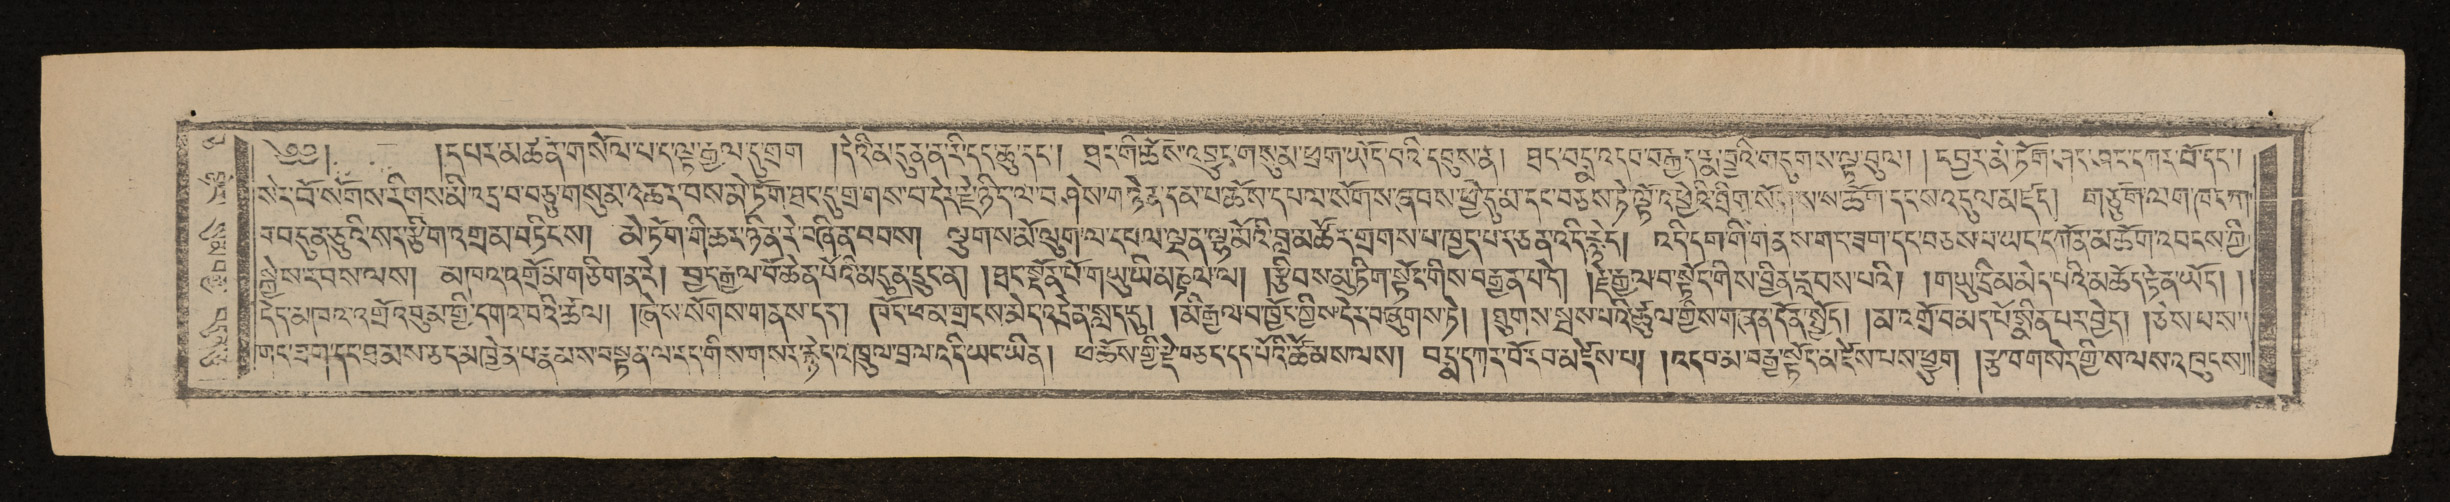༄༅། །དཔར་མཚན་གསོལ་པ་ད་ལྟ་རྒྱལ་དུ་གྲག །དེའི་མདུན་ན་རི་དང་ཆུ་དང་། ཐང་གི་ཆོས་འབྱུང་གསུམ་ཕྲག་ཡོད་པའི་དབུས་ན། ཐང་པདམ་འདབ་བརྒྱད་རྨ་བྱའི་གདུགས་ལྟ་བུ་ལ། དབྱར་མེ་ཏོག་ཤང་ཤང་དཀར་པོ་དང་།
སེར་པོ་སོགས་རིགས་མི་འདྲ་བ་བཅུ་གསུམ་འཆང་བས་མེ་ཏོག་ཐང་དུ་གྲགས་པ་དེར་རྗེ་ཉིད་ལ་བཤེས་གཉེན་དམ་བ་ཆོས་དཔལ་སོགས་ཞབས་ཕྱི་དུ་མ་དང་བཅས་ཏེ་ལྟོ་འཕྱེའི་ཐིག་སོགས་ས་ཆོག་དང་ས་འདུལ་མཛད། གཙུག་ལག་ཁང་ཀ་
བ་བདུན་ཅུའི་སར་རྩིག་འགྲམ་བཏིངས། མེ་ཏོག་གི་ཆར་ཉིན་རེ་བཞིན་བབས། ལྕགས་མོ་ལུག་ལ་དཔལ་ལྡན་ལྷ་མོའི་བླ་མཚོར་གྲགས་པ་ཁྱད་པར་ཅན་འདི་རྙེད། འདི་དག་གི་གནས་གང་ཟག་དང་བཅས་པ་ཡང་དཀོན་མཆོག་འབངས་ཀྱི་
སྐྱེས་རབས་ལས། མཁའ་འགྲོ་མ་གཅིག་ན་རེ། བྱང་རྒྱལ་པོ་ཆེན་པོའི་མདུན་དྲུང་ན། །ཐང་སྔོན་པོ་གཡུ་ཡི་མཎྜལ་ལ། །རྩིབས་མུ་ཏིག་སྟོང་གིས་བརྒྱན་པ་དེ། །རྗེ་རྒྱལ་བ་སྟོང་གིས་བྱིན་རླབས་པའི། །གཡུ་དྲི་མ་མེད་པའི་མཆོད་རྟེན་ཡོད། །
ངེད་མཁའ་འགྲོ་འབུམ་གྱི་དགའ་བའི་ཚལ། །ཞེས་སོགས་གནས་དང་། ཁོང་ཕ་མ་གྲངས་མེད་འདྲེན་སླད་དུ། །མི་རྒྱལ་བ་ཁྱོད་ཀྱིས་དེར་བཞུགས་ཏེ། །ཐུགས་སླས་པའི་ཚུལ་གྱིས་གཞན་དོན་སྤྱོད། །མ་འགྲོ་བ་མང་པོ་སྨིན་པར་བྱེད། །ཅེས་པས་
གང་ཟག་དང་ཐམས་ཅད་མཁྱེན་པ་རྣམས་བསྟན་ལ་རང་གིས་གསར་རྙེད་འཁྲུལ་བྲལ་འདི་ཡང་ཡིན། ཕ་ཆོས་ཀྱི་རྗེ་བཅང་དང་པོའི་ཚོམས་ལས། པདམ་དཀར་པོ་རབ་མཛེས་པ། །འདབ་མ་བརྒྱ་སྟོང་མཛེས་པས་ཕྱུག །རྩེ་བ་གསེར་གྱི་ས་ལས་འཁྲུངས།།